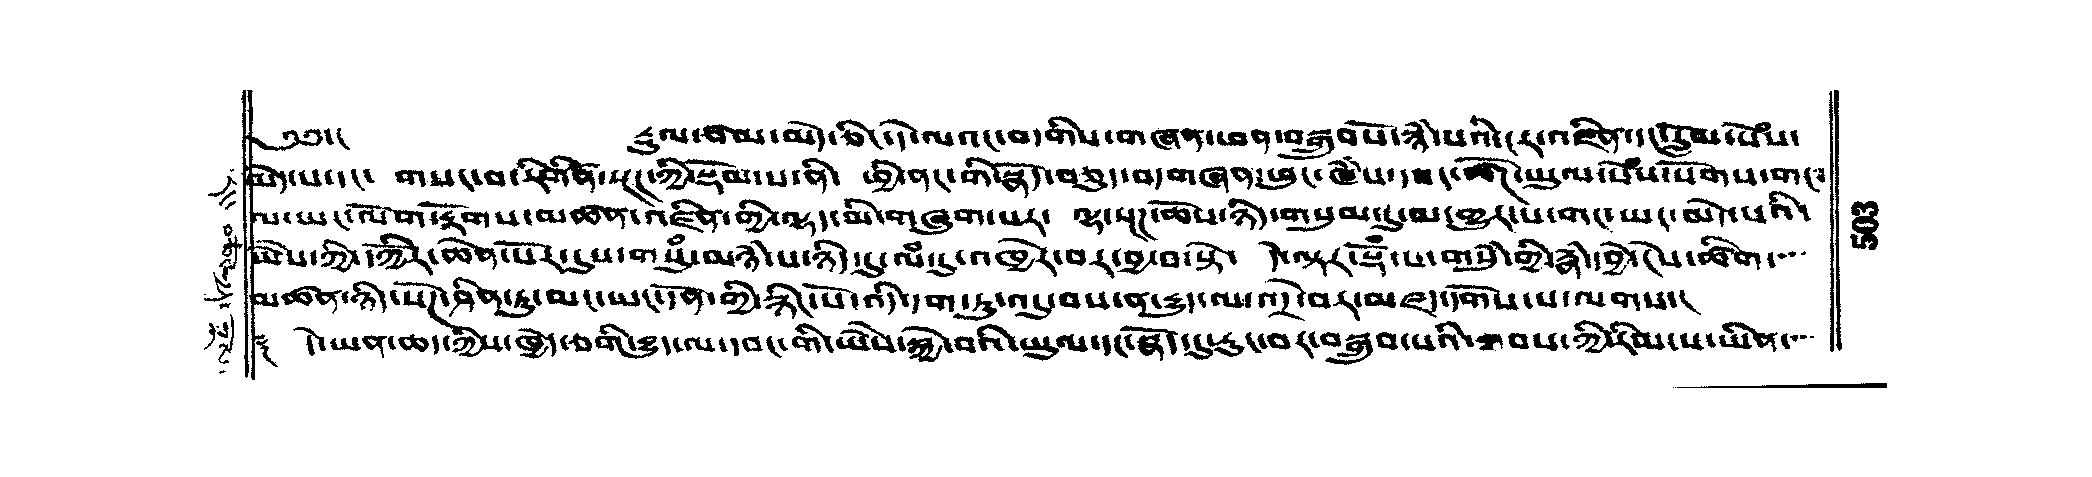རྡུལ་ཙམ་མེད་ཅིང་དེ་ལའང་བདག་གིས་གཞན་ཕན་བསྒྲུབས་སོ་སྙམ་པའི་ངར་འཛིན་དང་རློམ་སེམས་
མེད་པ་དང་། གསང་བ་རིག་འཛིན་སྔགས་ཀྱི་སྡོམ་པ་ནི། ཕྱི་ནང་སྣོད་བཅུད་བདག་གཞན་ཕུང་ཁམས་དབང་ཚོགས་སེམས་སོགས་གང་
ལ་ཡང་ལོག་རྟོག་མཚན་འཛིན་གྱི་ལྷད་མི་ཞུག་པར། ལྷ་སྔགས་ཆོས་ཉིད་གསུམ་དུ་མ་གྱུར་པ་གང་ཡང་མེད་པའི་
ཡེ་ཤེས་ཀྱི་དཀྱིལ་འཁོར་ཆེན་པོར་དུས་གསུམ་མཉམ་པ་ཉིད་དུ་ལམ་དུ་འཁྱེར་བར་བྱ་བ་སྟེ། དེ་ལྟར་སྡོམ་པ་གསུམ་གྱི་རྣམ་དབྱེ་ངེས་ཚིག་
མཚན་ཉིད་སོགས་ཤིན་ཏུ་མང་ཡང་དོན་གྱི་སྙིང་པོ་འདི་དག་ཏུ་འདུ་བས་ན་རྒྱུད་ལ་འདྲེས་བར་མཛད་དགོས་པར་ལགས། 
དེ་ཡན་ཆད་ཀྱིས་ཁྱེད་ཅག་གི་རྒྱུད་ལ་དབང་གི་ཡེ་ཤེས་སྐྱེ་བའི་ཡུལ་དང་སྣོད་དུ་རུང་བར་བསྒྲུབ་པའི་ཐབས་ཀྱི་རིམ་པ་ཡིན་